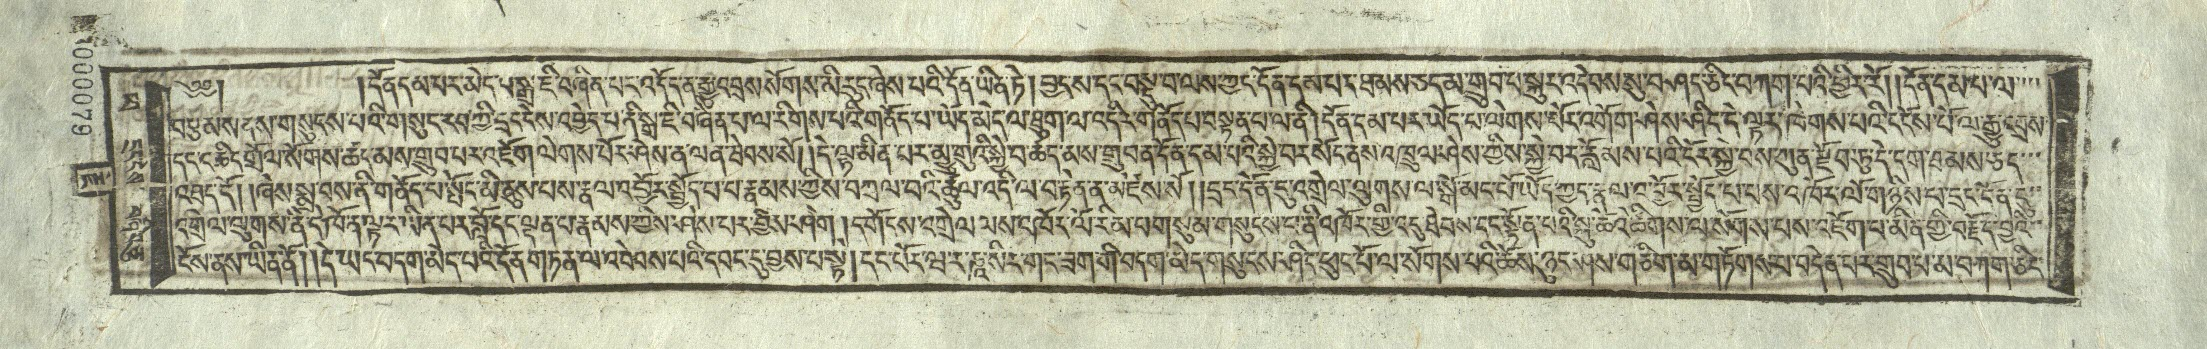༄༅། །དོན་དམ་པར་མེད་པ་སྒྲ་ཇི་བཞིན་པར་འདོད་ན་རྒྱུ་འབྲས་སོགས་མི་རུང་ཞེས་པའི་དོན་ཡིན་ཏེ། བྱངས་དང་བསྡུ་བ་ལས་ཀྱང་དོན་དམ་པར་ཐམས་ཅད་མ་གྲུབ་པ་སྐུར་འདེབས་སུ་བཤད་ཅིང་བཀག་པའི་ཕྱིར་རོ། །དོན་དམ་པ་ལ་
བརྩམས་ནས་གསུངས་པའི་གསུང་རབ་ཀྱི་དྲང་ངེས་འབྱེད་པ་ནི་སྒྲ་ཇི་བཞིན་པ་ལ་རིགས་བའི་གནོད་པ་ཡོད་མེད་ལ་ཐུག་ལ་འདིར་གནོད་པ་བསྟན་པ་ལ་ནི། དོན་དམ་པར་ཡོད་པ་ལེགས་པོར་འགོག་ཤེས་ཤིང་དེ་ལྟར་ཁེགས་པའི་དངོས་པོ་ལ་རྒྱུ་འབྲས་
དང་འཆིང་གྲོལ་སོགས་ཚད་མས་གྲུབ་པར་འཇོག་ལེགས་པོར་ཤེས་ན་ལན་ཐེབས་སོ། །དེ་ལྟ་མིན་པར་མྱུ་གུའི་སྐྱེ་བ་ཆད་མས་གྲུབ་ན་དོན་དམ་པའི་སྐྱེ་བར་སོང་ནས་འཁྲུལ་ཤེས་ཀྱིས་སྐྱེ་བར་རློམས་པའི་དོར་སྐྱེ་བས་ཀུན་རྫོབ་ཏུ་དེ་དག་ཐམས་ཅད་
འཐད་དོ། །ཞེས་སྨྲ་བས་ནི་གནོད་པ་སྤོང་མི་ནུས་པས་རྣལ་འབྱོར་སྤྱོད་པ་པ་རྣམས་ཀྱིས་བཀྲལ་བའི་ཚུལ་འདི་ལ་བརྟེན་ན་མཛེས་སོ། །དྲང་དེན་དུ་འགྲེལ་ལུགས་ལ་སྒོ་མང་པོ་ཡོད་ཀྱང་རྣལ་འབྱོར་སྤྱོད་པ་པས་འཁོར་ལོ་གཉིས་པ་དྲང་དོན་དུ་
འགྲེལ་ལུགས་ནི་དེ་ཁོ་ན་ལྟར་ཡིན་པར་བློ་དང་ལྡན་པ་རྣམས་ཀྱིས་ཤེས་པར་བྱོས་ཤིག །དགོངས་འགྲེལ་ལས་འཁོར་ལོ་རིམ་པ་གསུམ་གསུངས་པ་ནི་འཁོར་གྱི་འདུ་ཐེབས་དང་སྟོན་པའི་སྐུ་ཚེའི་ཚིགས་ལ་སོགས་པས་འཇོག་པ་མིན་གྱི་བརྗོད་བྱའི་
ངོས་ནས་ཡིན་ནོ། །དེ་ཡང་བདག་མེད་པའི་དོན་གཏན་ལ་འབེབས་བའི་དབང་དུ་བྱས་པ་སྟེ། དང་པོར་ལྭ་ར་ཎཱ་སིར་གང་ཟག་ག་བདག་མེད་གསུངས་ཤིང་ཕུང་པོ་ལ་སོགས་པའི་ཆོས་ཉུང་ཤས་གཅིག་མ་གཏོགས་པ་བདེན་པར་གྲུབ་པ་མ་བཀག་ཅིང་